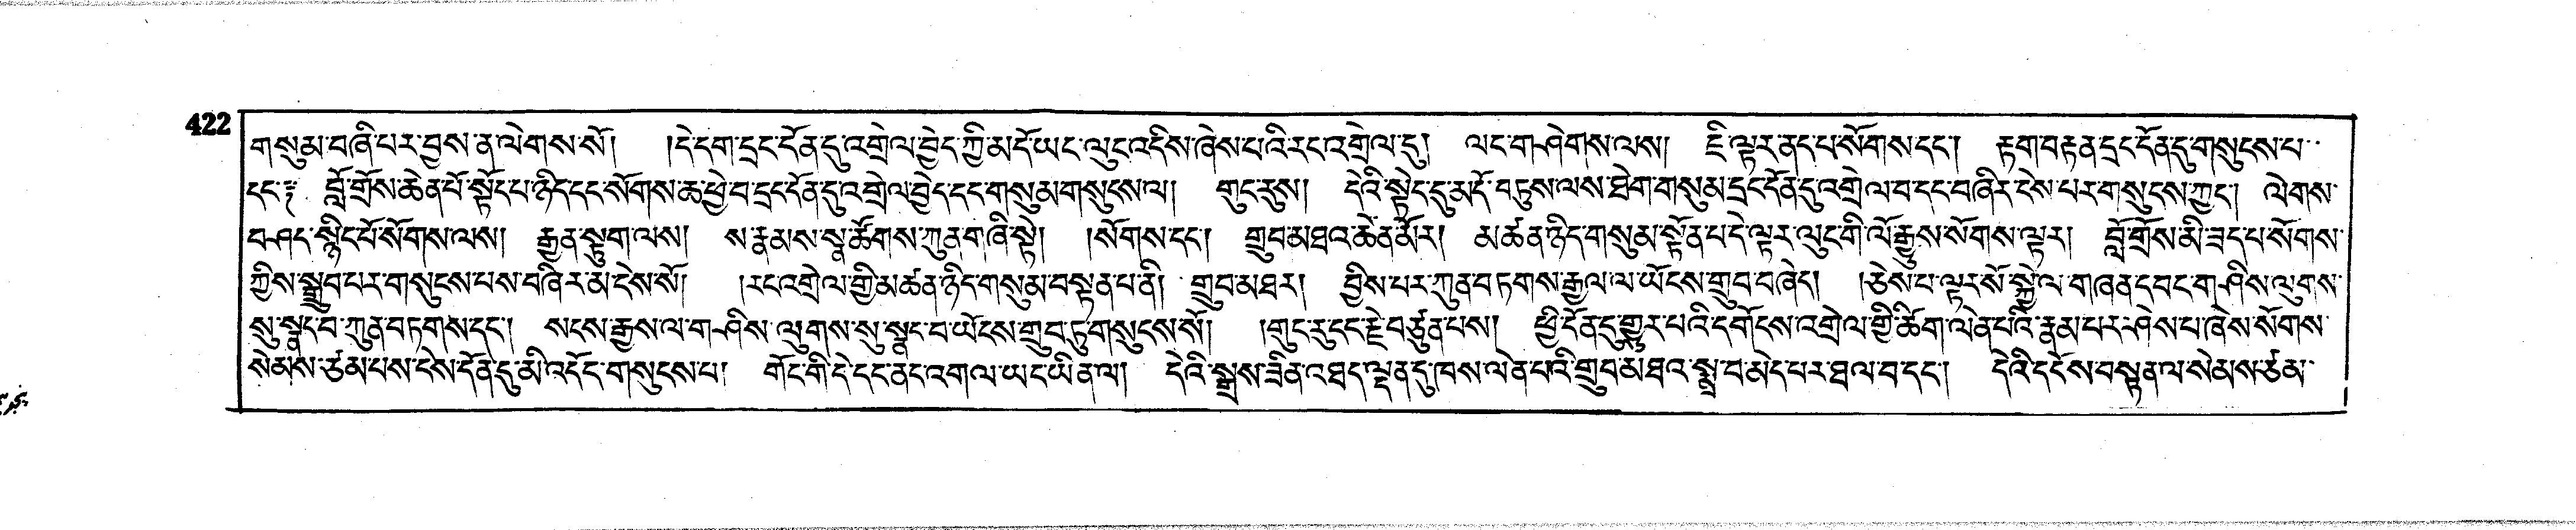གསུམ་བཞི་པར་བྱས་ན་ལེགས་སོ། །དེ་དག་དྲང་དོན་དུ་འགྲེལ་བྱེད་ཀྱི་མདོ་ཡང་ལུང་འདིས་ཞེས་པའི་རང་འགྲེལ་དུ། ལང་གཤེགས་ལས། ཇི་ལྟར་ནད་པ་སོགས་དང་། རྟག་བརྟན་དྲང་དོན་དུ་གསུངས་པ་
དང༑ བློ་གྲོས་ཆེན་པོ་སྟོང་པ་ཉིད་དང་སོགས་ཆ་ཕྱེ་བ་དྲང་དོན་དུ་འགྲེལ་བྱེད་དང་གསུམ་གསུངས་ལ། གུང་རུས། དེའི་སྟེང་དུ་མདོ་བཏུས་ལས་ཐེག་གསུམ་དྲང་དོན་དུ་འགྲེལ་བ་དང་བཞིར་ངེས་པར་གསུངས་ཀྱང་། ལེགས་
བཤད་སྙིང་པོ་སོགས་ལས། རྒྱན་སྟུག་ལས། ས་རྣམས་སྣ་ཚོགས་ཀུན་གཞི་སྟེ། །སོགས་དང་། གྲུབ་མཐའ་ཆེན་མོར། མཚན་ཉིད་གསུམ་སྟོན་པ་དེ་ལྟར་ལུང་གི་ལོ་རྒྱུས་སོགས་ལྟར། བློ་གྲོས་མི་ཟད་པ་སོགས་
ཀྱིས་སྒྲུབ་པར་གསུངས་པས་བཞིར་མ་ངེས་སོ། །རང་འགྲེལ་གྱི་མཚན་ཉིད་གསུམ་བསྟན་པ་ནི། གྲུབ་མཐར། བྱིས་པར་ཀུན་བཏགས་རྒྱལ་ལ་ཡོངས་གྲུབ་བཞེད། །ཅེས་པ་ལྟར་སོ་སྐྱེ་ལ་གཞན་དབང་གཤིས་ལུགས་
སུ་སྣང་བ་ཀུན་བཏགས་དང་། སངས་རྒྱས་ལ་གཤིས་ལུགས་སུ་སྣང་བ་ཡོངས་གྲུབ་ཏུ་གསུངས་སོ། །གུང་རུ་དང་རྗེ་བཙུན་པས། ཕྱི་དོན་དུ་གྱུར་པའི་དགོངས་འགྲེལ་གྱི་ཚིག་ལེན་པའི་རྣམ་པར་ཤེས་པ་ཞེས་སོགས་
སེམས་ཙམ་པས་ངེས་དོན་དུ་མི་འདོད་གསུངས་པ། གོང་གི་དེ་དང་ནང་འགལ་ཡང་ཡིན་ལ། དེའི་སྒྲས་ཟིན་འཐད་ལྡན་དུ་ཁས་ལེན་པའི་གྲུབ་མཐའ་སྨྲ་བ་མེད་པར་ཐལ་བ་དང་། དེའི་དངོས་བསྟན་ལ་སེམས་ཙམ་